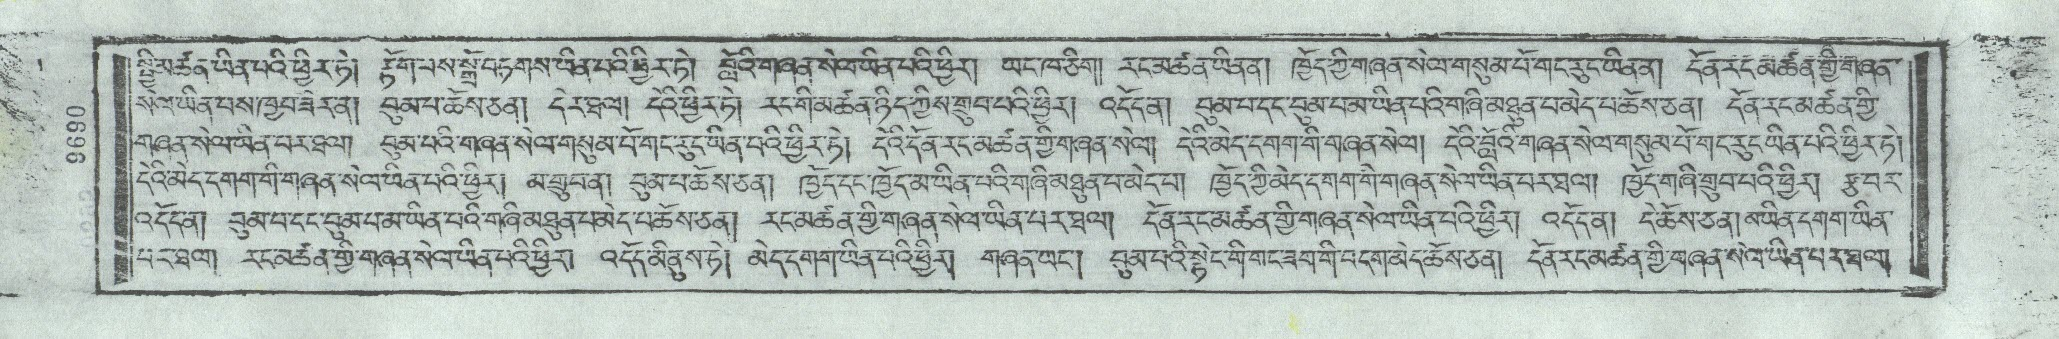སྤྱི་མཚན་ཡིན་པའི་ཕྱིར་ཏེ། རྟོག་པས་སྒྲོ་བཏགས་ཡིན་པའི་ཕྱིར་ཏེ། བློའི་གཞན་སེལ་ཡིན་པའི་ཕྱིར། ཡང་ཁ་ཅིག། རང་མཚན་ཡིན་ན། ཁྱོད་ཀྱི་གཞན་སེལ་གསུམ་པོ་གང་རུང་ཡིན་ན། དོན་རང་མཚན་གྱི་གཞན་
སེལ་ཡིན་པས་ཁྱབ་ཟེར་ན། བུམ་པ་ཆོས་ཅན། དེར་ཐལ། དེའི་ཕྱིར་ཏེ། རང་གི་མཚན་ཉིད་ཀྱིས་གྲུབ་པའི་ཕྱིར། འདོད་ན། བུམ་པ་དང་བུམ་པ་མ་ཡིན་པའི་གཞི་མཐུན་པ་མེད་པ་ཆོས་ཅན། དོན་རང་མཚན་གྱི་
གཞན་སེལ་ཡིན་པར་ཐལ། བུམ་པའི་གཞན་སེལ་གསུམ་པོ་གང་རུང་ཡིན་པའི་ཕྱིར་ཏེ། དེའི་དོན་རང་མཚན་གྱི་གཞན་སེལ། དེའི་མེད་དགག་གི་གཞན་སེལ། དེའི་བློའི་གཞན་སེལ་གསུམ་པོ་གང་རུང་ཡིན་པའི་ཕྱིར་ཏེ།
དེའི་མེད་དགག་གི་གཞན་སེལ་ཡིན་པའི་ཕྱིར། མ་གྲུབ་ན། བུམ་པ་ཆོས་ཅན། ཁྱོད་དང་ཁྱོད་མ་ཡིན་པའི་གཞི་མཐུན་པ་མེད་པ། ཁྱོད་ཀྱི་མེད་དགག་གི་གཞན་སེལ་ཡིན་པར་ཐལ། ཁྱོད་གཞི་གྲུབ་པའི་ཕྱིར། རྩ་བར་
འདོད་ན། བུམ་པ་དང་བུམ་པ་མ་ཡིན་པའི་གཞི་མཐུན་པ་མེད་པ་ཆོས་ཅན། རང་མཚན་གྱི་གཞན་སེལ་ཡིན་པར་ཐལ། དོན་རང་མཚན་གྱི་གཞན་སེལ་ཡིན་པའི་ཕྱིར། འདོད་ན། དེ་ཆོས་ཅན། མ་ཡིན་དགག་ཡིན་
པར་ཐལ། རང་མཚན་གྱི་གཞན་སེལ་ཡིན་པའི་ཕྱིར། འདོད་མི་ནུས་ཏེ། མེད་དགག་ཡིན་པའི་ཕྱིར། གཞན་ཡང་། བུམ་པའི་སྟེང་གི་གང་ཟག་གི་བདག་མེད་ཆོས་ཅན། དོན་རང་མཚན་གྱི་གཞན་སེལ་ཡིན་པར་ཐལ།